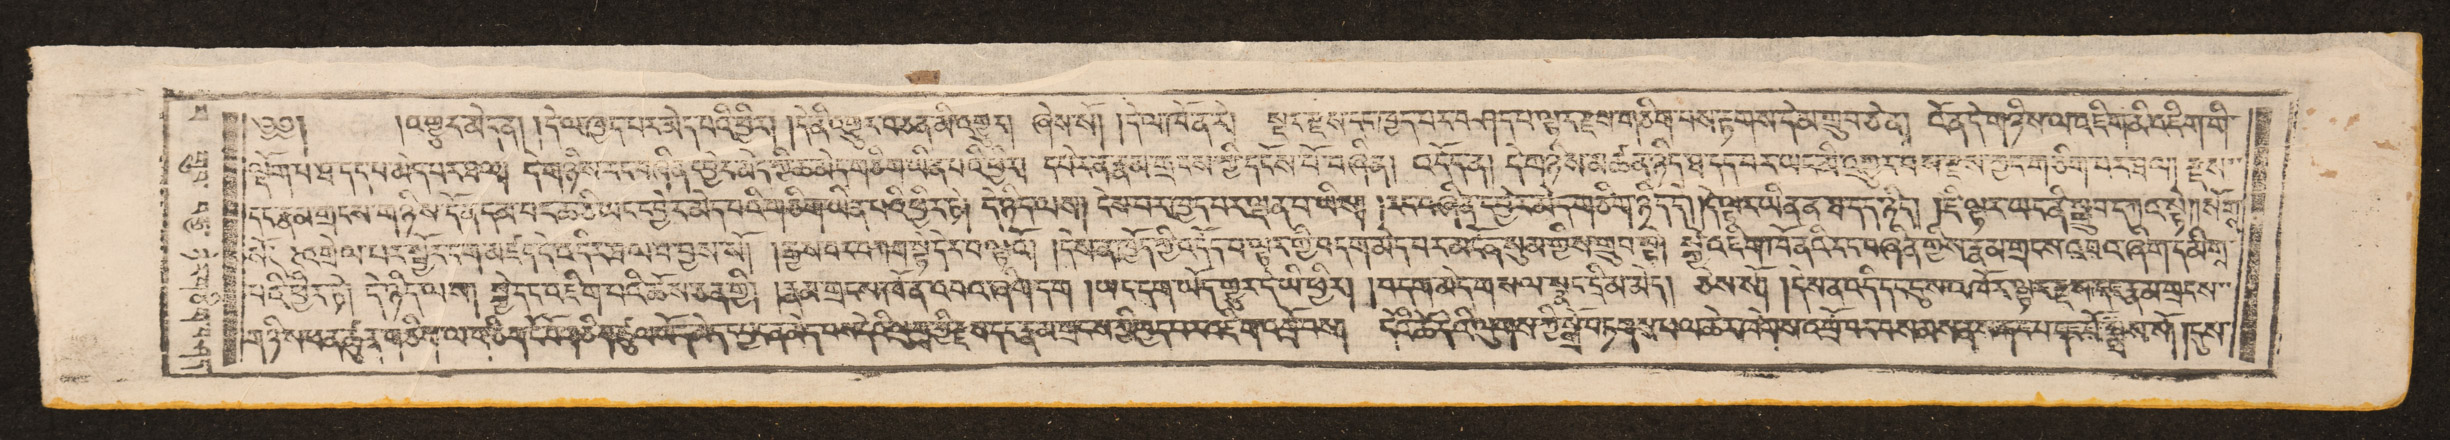༄༅། །འགྱུར་མེད་ན། །དེ་ལ་ཁྱད་པར་མེད་བའི་ཕྱིར། །དེ་ནི་འགྱུར་བཅན་མི་འགྱུར། ཞེས་སོ། །དེ་ལ་ཁོ་ན་རེ། སྔར་རྫས་དང་ཁྱད་པར་བཤད་པ་ལྟར་རྫས་གཅིག་པས་རྟགས་དེ་མ་གྲུབ་ཅེ་ན། འོ་ན་དེ་གཉིས་ལ་འཇིག་མི་འཇིག་གི་
ལྡོག་པ་ཐ་དད་པ་མེད་པར་ཐལ། དེ་གཉིས་རང་བཞིན་དབྱེར་མེད་ཀྱི་ཆ་མེད་གཅིག་ཡིན་པའི་ཕྱིར། དཔེར་ན་རྣམ་གྲངས་ཀྱི་དངོས་པོ་བཞིན། འདོད་ན། དེ་གཉིས་མཚན་ཉིད་ཐ་དད་པར་ཡང་མི་འགྱུར་བས་རྫས་ཀྱང་གཅིག་པར་ཐལ། རྫས་
དང་རྣམ་གྲངས་གཉིས་དོན་དམ་པར་ཆ་ཅི་ཡང་དབྱེར་མེད་པའི་གཅིག་ཡིན་པའི་ཕྱིར་ཏེ། དེ་ཉིད་ལས། ངེས་པར་ཁྱད་པར་ལྡན་པ་ཡིས། །རང་བཞིན་དབྱེར་མེད་གཅིག་ཉིད་དེ། །དེ་ལྟར་ཡིན་ན་ཐ་དད་ཉིད། །ཇི་ལྟར་ཡང་ནི་སྒྲུབ་དཀའ་སྟེ། །སོགས་
སོ༑ ༑འགྲེལ་པར་སྦྱོར་ངག་མཛད་དེ་འདིར་ཐལ་བ་བྱས་སོ། །རྒྱས་པར་བཀག་སྟེ་དེར་བལྟའོ། །དེས་ན་ཁྱོད་ཀྱི་འདོད་པ་ལྟར་གྱི་བདག་མེད་པར་མངོན་སུམ་གྱིས་གྲུབ་སྟེ། སྐྱེ་འཇིག་ཁོ་ནའི་རང་བཞིན་གྱིས་རྣམ་གྲངས་འབའ་ཞིག་དམིགས་
པའི་ཕྱིར་ཏེ། དེ་ཉིད་ལས། སྐྱེ་དང་འཇིག་པའི་ཆོས་ཅན་གྱི། །རྣམ་གྲངས་ཁོ་ན་འབའ་ཞིག་དག། །ཡང་དག་ཡོད་གྱུར་དེ་ཡི་ཕྱིར། །བདག་མེད་གསལ་སྣང་དྲི་མ་མེད། ཅེས་སོ། །དེས་ན་འདི་དང་དུས་འཁོར་ལྟར་རྫས་དད་རྣམ་གྲངས་
གཉིས་ཕན་ཚུན་གཅིག་ལ་གཅིག་ངོ་བོ་གཅིག་ཚུལ་ཡོད་མེད་དཔྱད་ན་མེད་པས་དེའི་ལུགས་ཀྱི་རྫས་དང་རྣམ་གྲངས་ཀྱི་ཁྱད་པར་འཇིག་འགྲོ་བས། དེའི་ཚེ་དེའི་ལུགས་ཀྱི་སྒྲོ་བཏགས་ཕལ་ཆེར་ཁེགས་འགྲོ་བར་བསམས་ནས་རྐང་པ་དང་པོ་སྨྲས་སོ། །དུས་